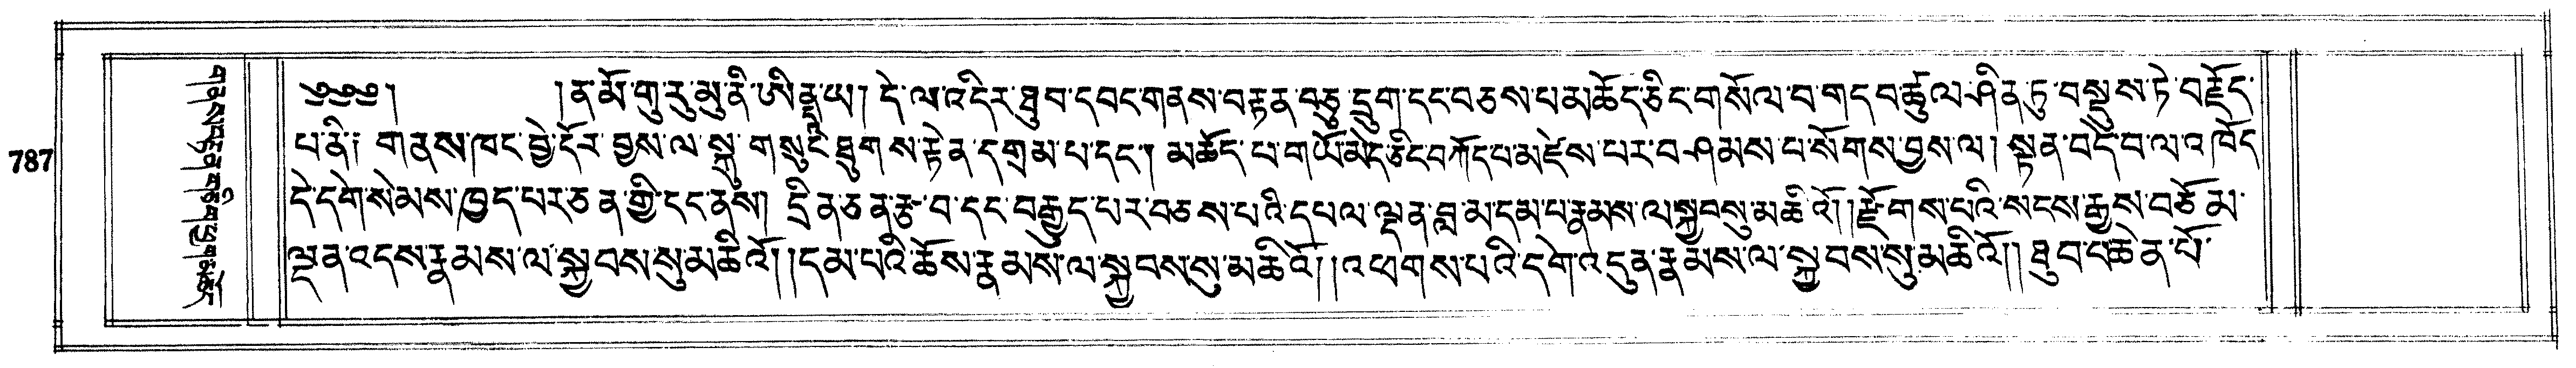༄༅༅། །ན་མོ་གུ་རུ་མུ་ནི་ཨིནྡཱ་ཡ། དེ་ལ་འདིར་ཐུབ་དབང་གནས་བརྟན་བཅུ་དྲུག་དང་བཅས་པ་མཆོད་ཅིང་གསོལ་བ་གདབ་ཚུལ་ཤིན་ཏུ་བསྡུས་ཏེ་བརྗོད་
པ་ནི༑ གནས་ཁང་བྱེ་དོར་བྱས་ལ་སྐུ་གསུང་ཐུགས་རྟེན་དགྲམ་པ་དང་། མཆོད་པ་གཡོ་མེད་ཅིང་བཀོད་པ་མཛེས་པར་བཤམས་པ་སོགས་བྱས་ལ། སྟན་བདེ་བ་ལ་འཁོད་
དེ་དགེ་སེམས་ཁྱད་པར་ཅན་གྱི་ངང་ནས། དྲིན་ཅན་རྩ་བ་དང་བརྒྱུད་པར་བཅས་པའི་དཔལ་ལྡན་བླ་མ་དམ་པ་རྣམས་ལ་སྐྱབས་སུ་མཆིའོ། །རྫོགས་པའི་སངས་རྒྱས་བཅོམ་
ལྡན་འདས་རྣམས་ལ་སྐྱབས་སུ་མཆིའོ། །དམ་པའི་ཆོས་རྣམས་ལ་སྐྱབས་སུ་མཆིའོ། །འཕགས་པའི་དགེ་འདུན་རྣམས་ལ་སྐྱབས་སུ་མཆིའོ། །ཐུབ་པ་ཆེན་པོ་